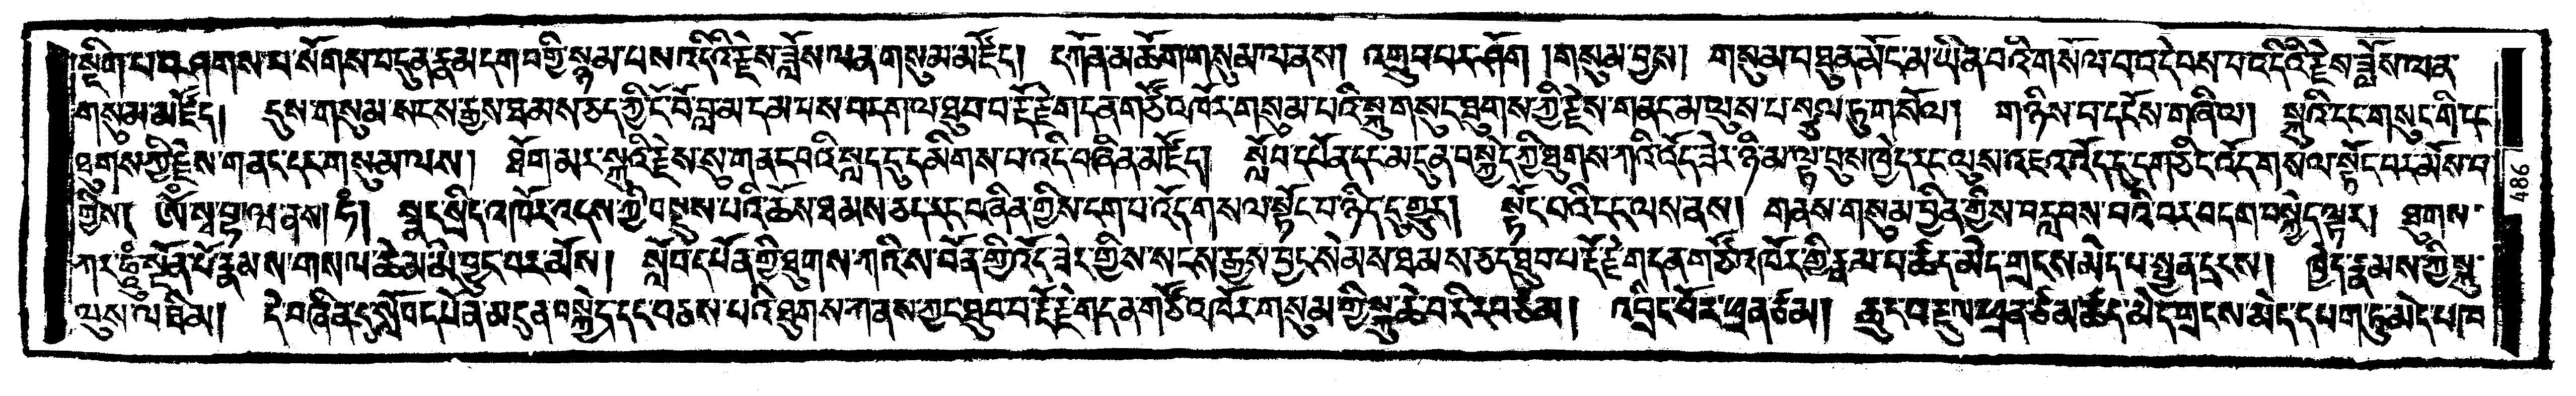སྡིག་པ་བཤགས་པ་སོགས་བདུན་རྣམ་དག་བགྱི་སྙམ་པས་འདིའི་རྗེས་ཟློས་ལན་གསུམ་མཛོད། དཀོན་མཆོག་གསུམ་ལ་ནས། འགྲུབ་པར་ཤོག །གསུམ་བྱས། གསུམ་པ་ཐུན་མོང་མ་ཡིན་བའི་གསོལ་བ་འདེབས་པ་འདིའི་རྗེས་ཟློས་ལན་
གསུམ་མཛོད། དུས་གསུམ་སངས་རྒྱས་ཐམས་ཅད་ཀྱི་ངོ་བོ་བླ་མ་དམ་པས་བདག་ལ་ཐུབ་པ་རྡོ་རྗེ་གདན་གཙོ་འཁོར་གསུམ་པའི་སྐུ་གསུང་ཐུགས་ཀྱི་རྗེས་གནང་མ་ལུས་པ་སྩལ་ཏུ་གསོལ། གཉིས་པ་དངོས་གཞི་ལ། སྐུའི་དང་གསུང་གི་དང་
ཐུགས་ཀྱི་རྗེས་གནང་དང་གསུམ་ལས། ཐོག་མར་སྐུའི་རྗེས་སུ་གནང་བའི་སླད་དུ་དམིགས་པ་འདི་བཞིན་མཛོད། སློབ་དཔོན་དང་མདུན་བསྐྱེད་ཀྱི་ཐུགས་ཀའི་འོད་ཟེར་ཉི་མ་ལྟ་བུས་ཁྱེད་རང་ལུས་འཇའ་འོད་དུ་དག་ཅིང་འོད་གསལ་སྟོང་པར་མོས་པ་
གྱིས། ཨོཾ་སྭ་བྷ་ཝ་ནས། ཧཾ། སྣང་སྲིད་འཁོར་འདས་ཀྱི་བསྡུས་པའི་ཆོས་ཐམས་ཅད་རང་བཞིན་གྱིས་དག་པ་འོད་གསལ་སྟོང་པ་ཉིད་དུ་གྱུར། སྟོང་པའི་ངང་ལས་ནས། གནས་གསུམ་བྱིན་གྱིས་བརླབས་བའི་བར་བདག་བསྐྱེད་ལྟར། ཐུགས་
ཀར་ཧཱུཾ་སྔོན་པོ་རྣམས་གསལ་ཆེམ་མི་བྱུང་བར་མོས། སློབ་དཔོན་གྱི་ཐུགས་ཀའི་ས་བོན་གྱི་འོད་ཟེར་གྱིས་སངས་རྒྱས་བྱང་སེམས་ཐམས་ཅད་ཐུབ་པ་རྡོ་རྗེ་གདན་གཙོ་འཁོར་གྱི་རྣམ་པ་ཚད་མེད་གྲངས་མེད་པ་སྤྱན་དྲངས། ཁྱེད་རྣམས་ཀྱི་སྐུ་
ལུས་ལ་ཐིམ། དེ་བཞིན་དུ་སློབ་དཔོན་མདུན་བསྐྱེད་དང་བཅས་པའི་ཐུགས་ཀ་ནས་ཀྱང་ཐུབ་པ་རྡོ་རྗེ་གདན་གཙོ་འཁོར་གསུམ་གྱི་སྐུ་ཆེ་བ་རི་རབ་ཙམ། འབྲིང་བོར་ཕྲན་ཙམ། ཆུང་བ་རྡུལ་ཕྲན་ཙམ་ཚད་མེད་གྲངས་མེད་དཔག་ཏུ་མེད་པ་ཁ་